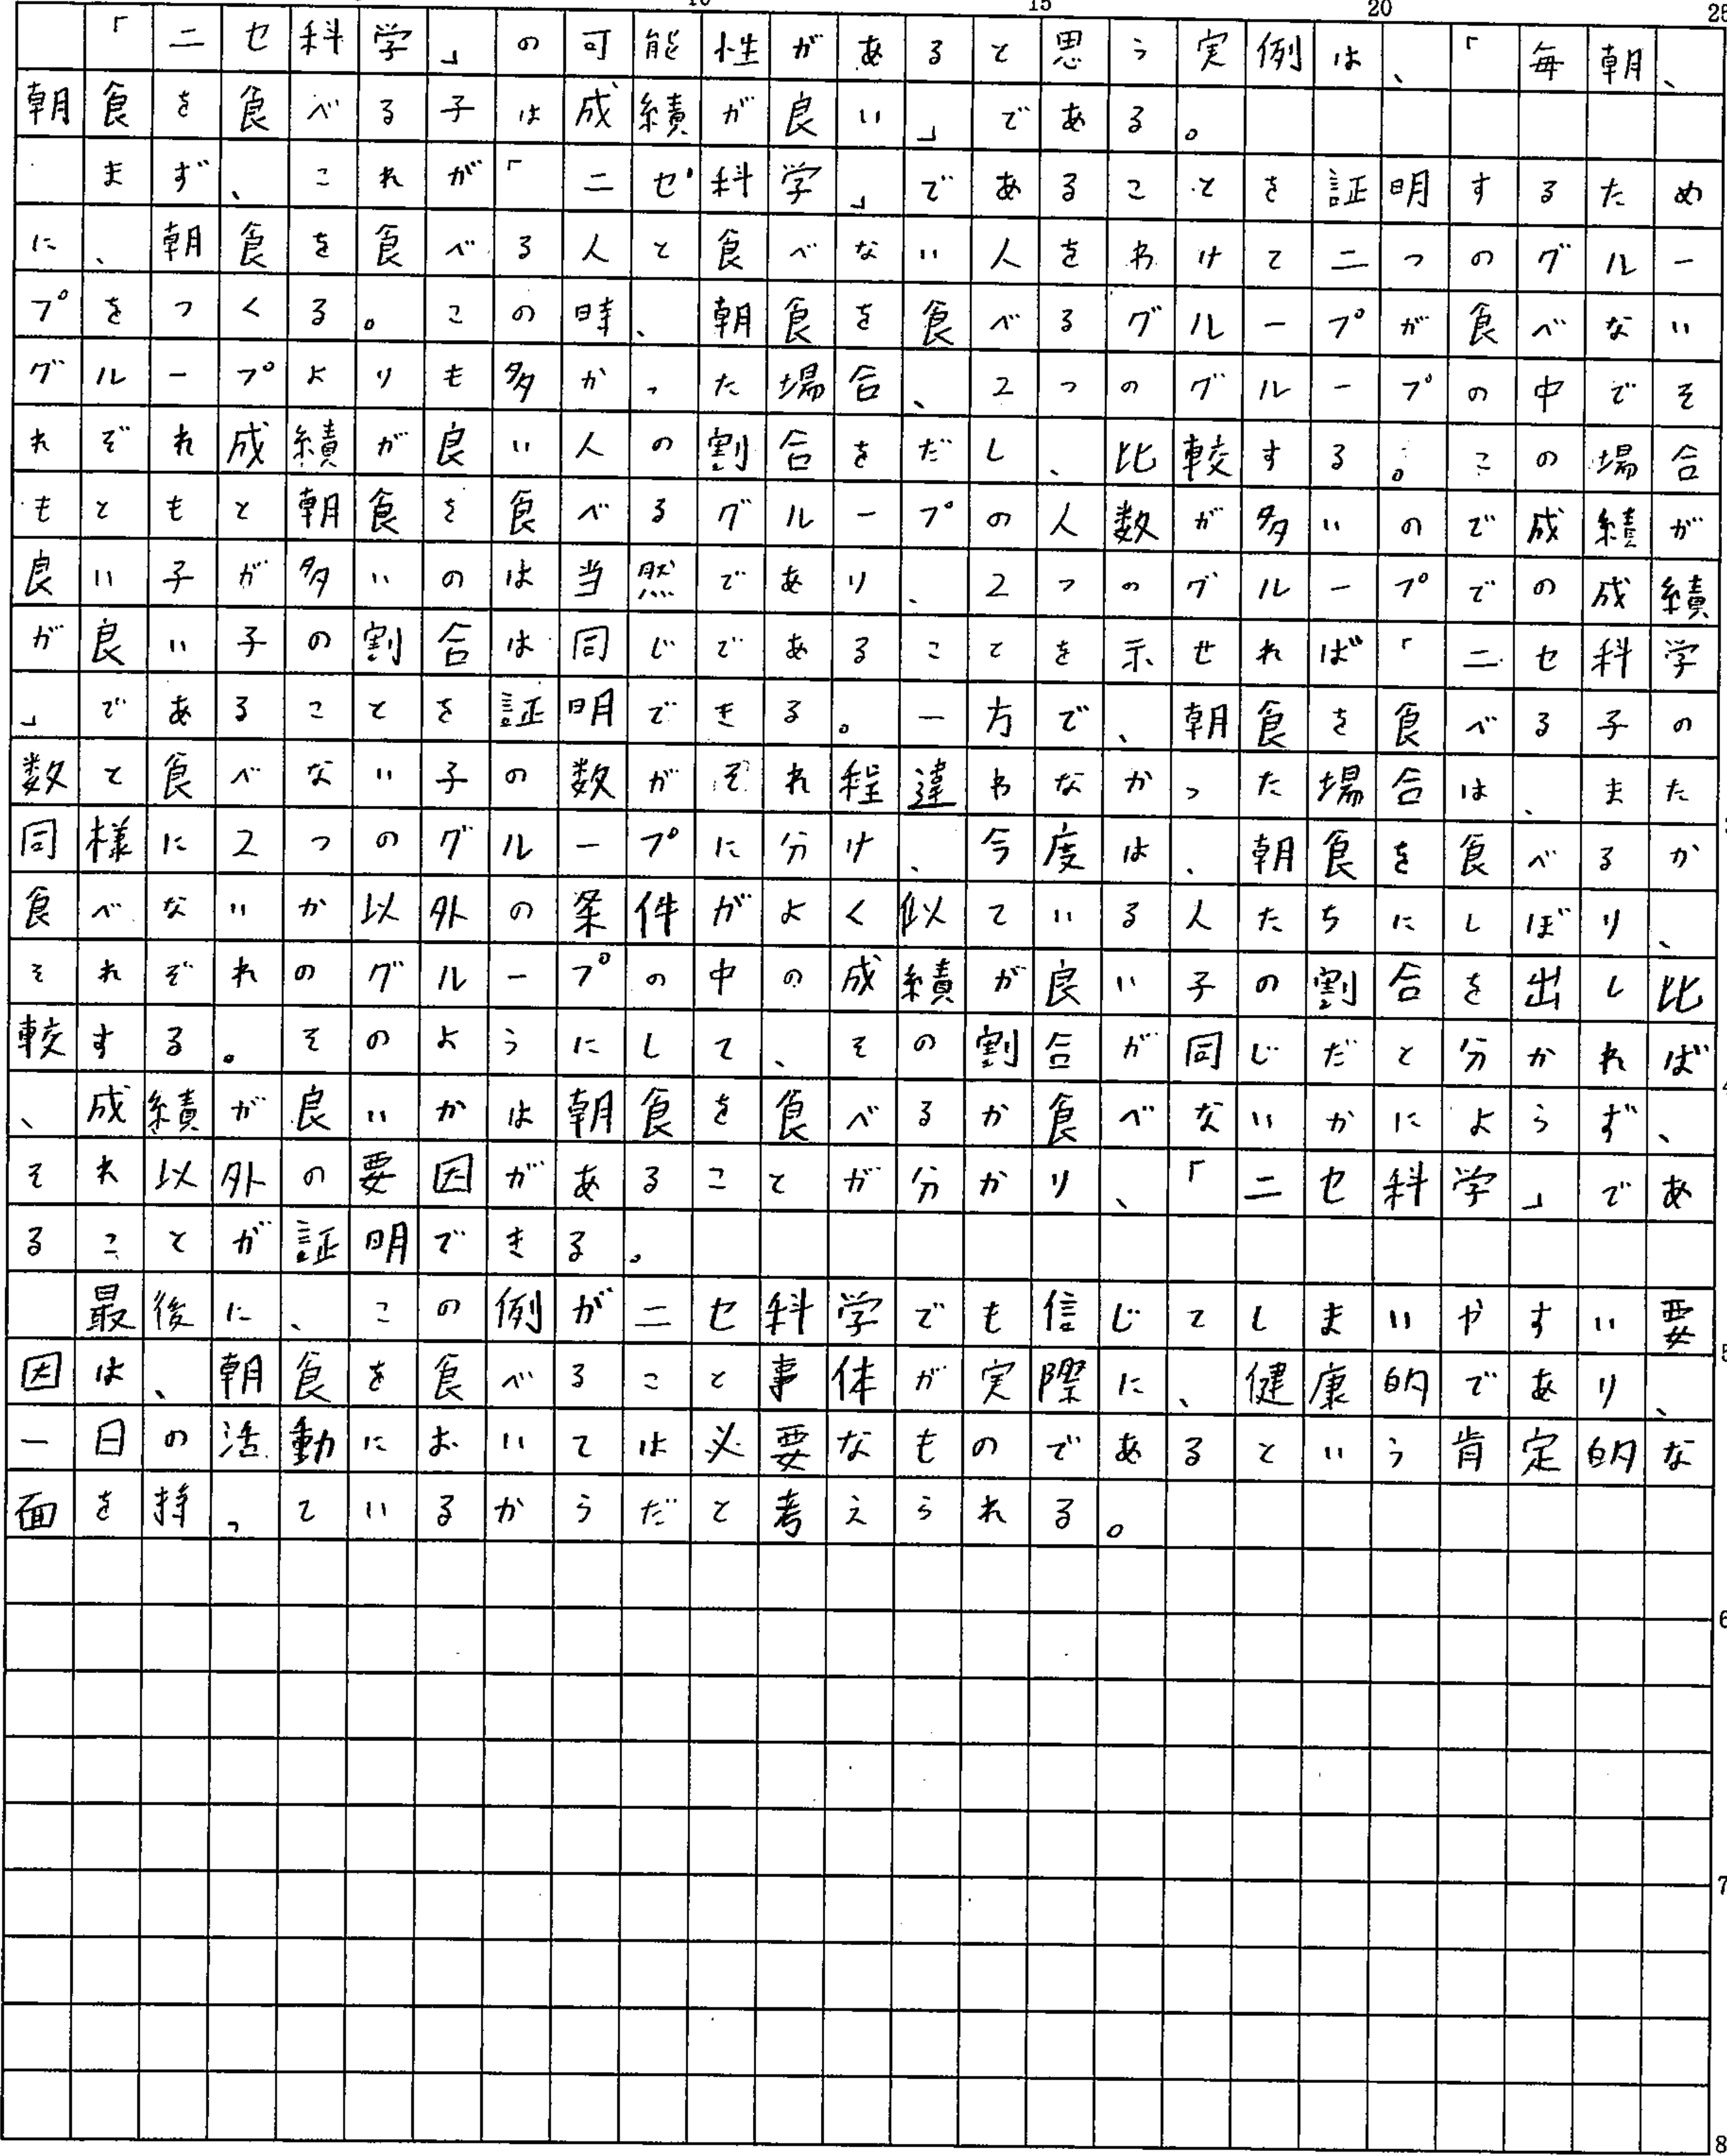　「ニセ科学」の可能性があると思う実例は、「毎朝、朝食を食べる子は成績が良い」である。
　まず、これが「ニセ科学」であることを証明するために、朝食を食べる人と食べない人をわけて二つのグループをつくる。この時、朝食を食べるグループが食べないグループよりも多かった場合、２つのグループの中でそれぞれ成績が良い人の割合をだし、比較する。この場合もともと朝食を食べるグループの人数が多いので成績が良い子が多いのは当然であり、２つのグループでの成績が良い子の割合は同じであることを示せれば「ニセ科学」であることを証明できる。一方で、朝食を食べる子の数と食べない子の数がそれ程違わなかった場合は、また同様に２つのグループに分け、今度は、朝食を食べるか食べないか以外の条件がよく似ている人たちにしぼり、それぞれのグループの中の成績が良い子の割合を出し比較する。そのようにして、その割合が同じだと分かれば、成績が良いかは朝食を食べるか食べないかによらず、それ以外の要因があることが分かり、「ニセ科学」であることが証明できる。
　最後に、この例がニセ科学でも信じてしまいやすい要因は、朝食を食べること事体が実際に、健康的であり、一日の活動においては必要なものであるという肯定的な面を持っているからだと考えられる。
